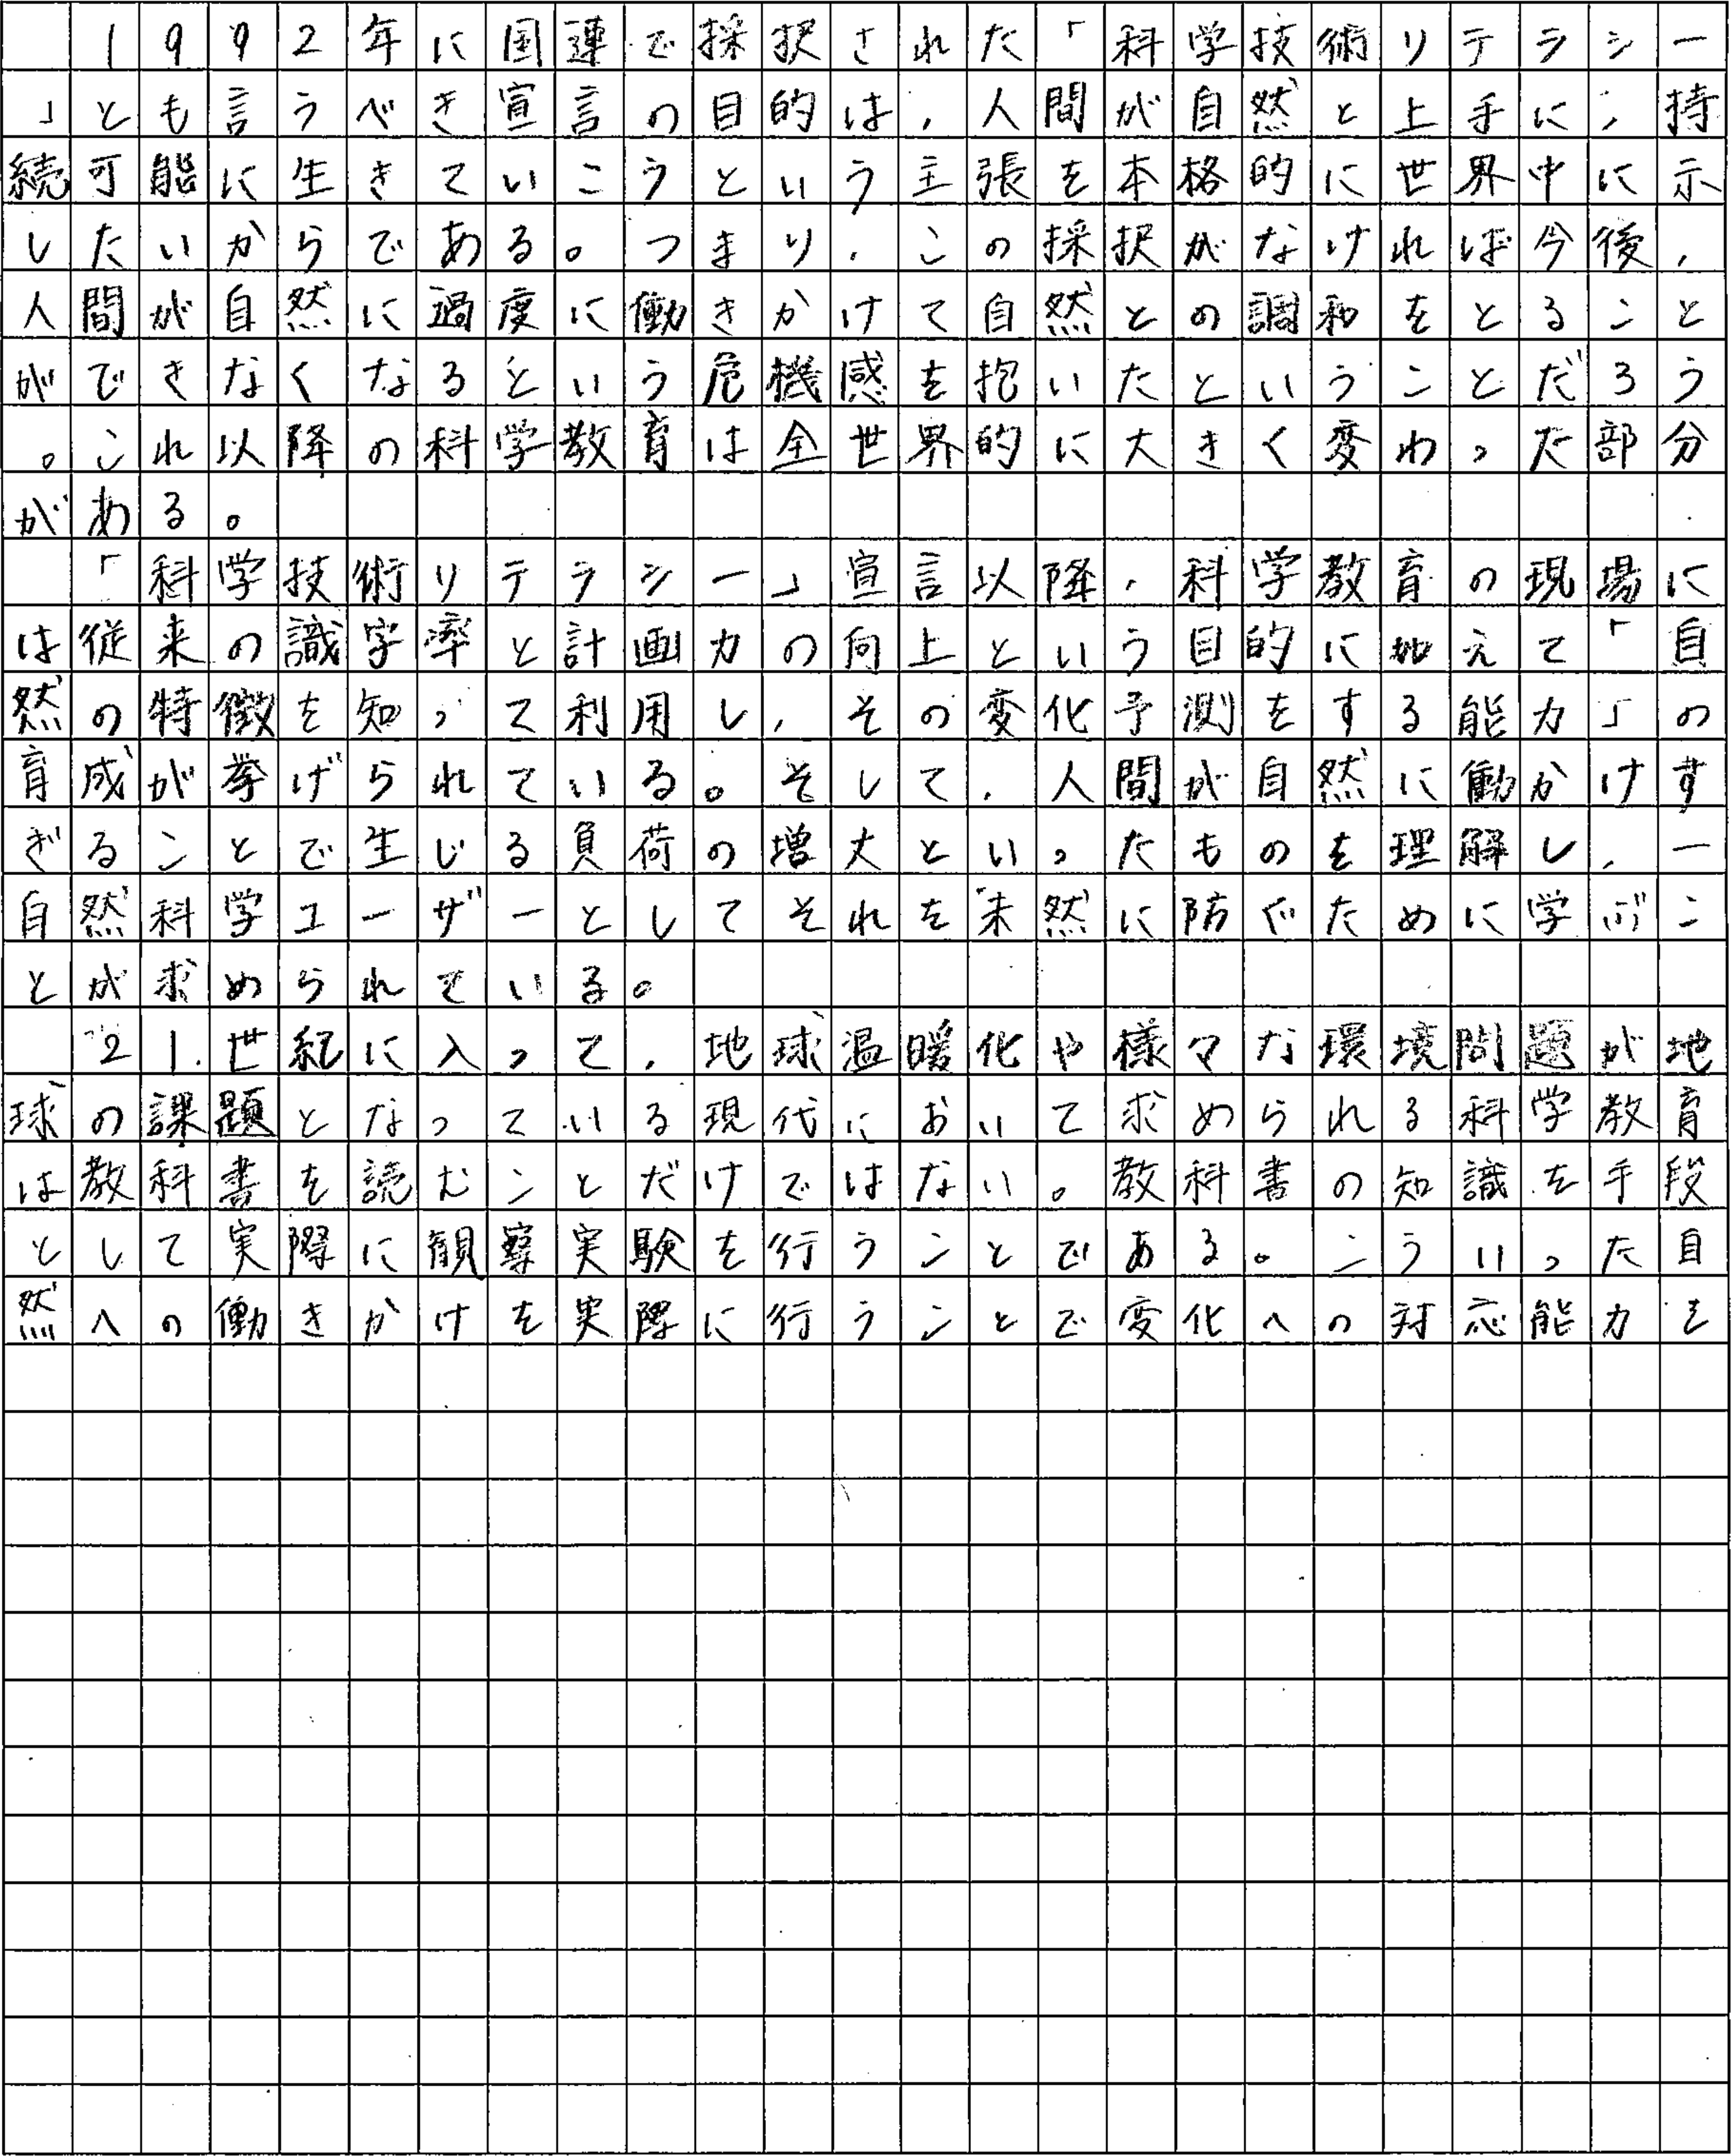　１９９２年に国連で採択された「科学技術リテラシー」とも言うべき宣言の目的は、人間が自然と上手に、持続可能に生きていこうという主張を本格的に世界中に示したいからである。つまり、この採択がなければ今後、人間が自然に過度に働きかけて自然との調和をとることができなくなるという危機感を抱いたということだろう。これ以降の科学教育は全世界的に大きく変わった部分がある。
　「科学技術リテラシー」宣言以降、科学教育の現場には従来の識字率と計画力の向上という目的に加えて「自然の特徴を知って利用し、その変化予測をする能力」の育成が挙げられている。そして、人間が自然に働かけすぎることで生じる負荷の増大といったものを理解し、一自然科学ユーザーとしてそれを未然に防ぐために学ぶことが求められている。
　２１世紀に入って、地球温暖化や様々な環境問題が地球の課題となっている現代において求められる科学教育は教科書を読むことだけではない。教科書の知識を手段として実際に観察実験を行うことである。こういった自然への働きかけを実際に行うことで変化への対応能力を
